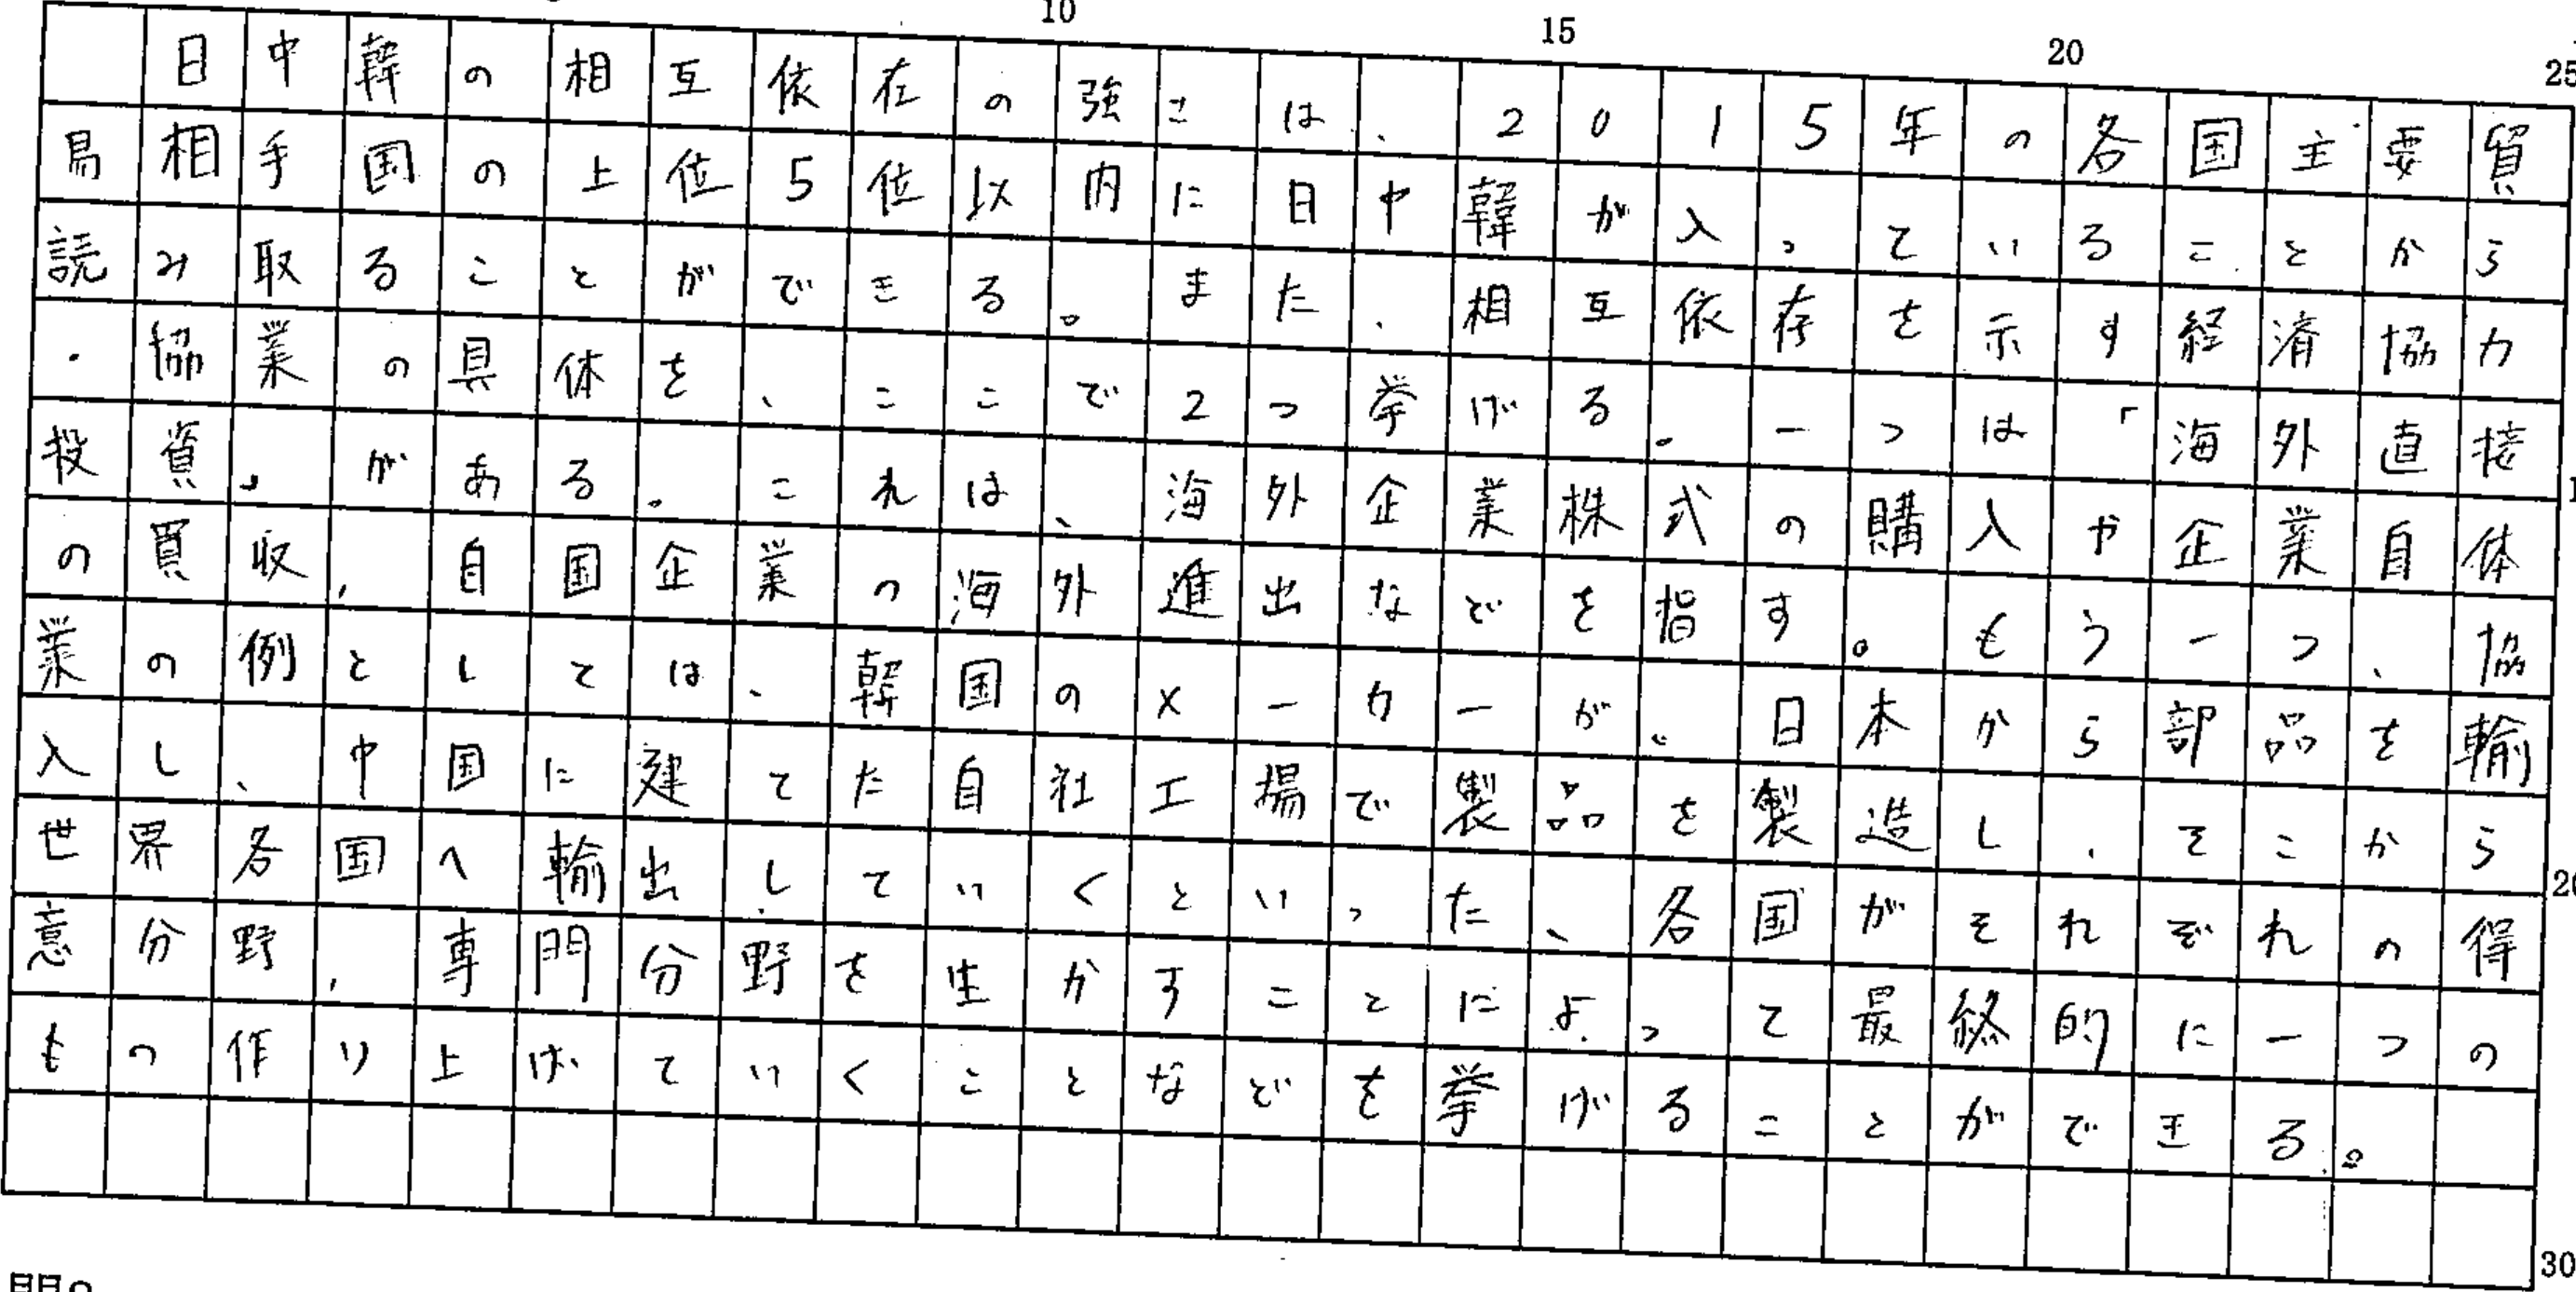　日中韓の相互依在の強さは、２０１５年の各国主要貿易相手国の上位５位以内に日中韓が入っていることから読み取ることができる。また、相互依存を示す経済協力・協業の具体を、ここで２つ挙げる。一つは「海外直接投資」がある。これは、海外企業株式の購入や企業自体の買収，自国企業の海外進出などを指す。もう一つ、協業の例としては、韓国のメーカーが、日本から部品を輸入し、中国に建てた自社工場で製品を製造し、そこから世界各国へ輸出していくといった、各国がそれぞれの得意分野，専門分野を生かすことによって最終的に一つのもの作り上げていくことなどを挙げることができる。
